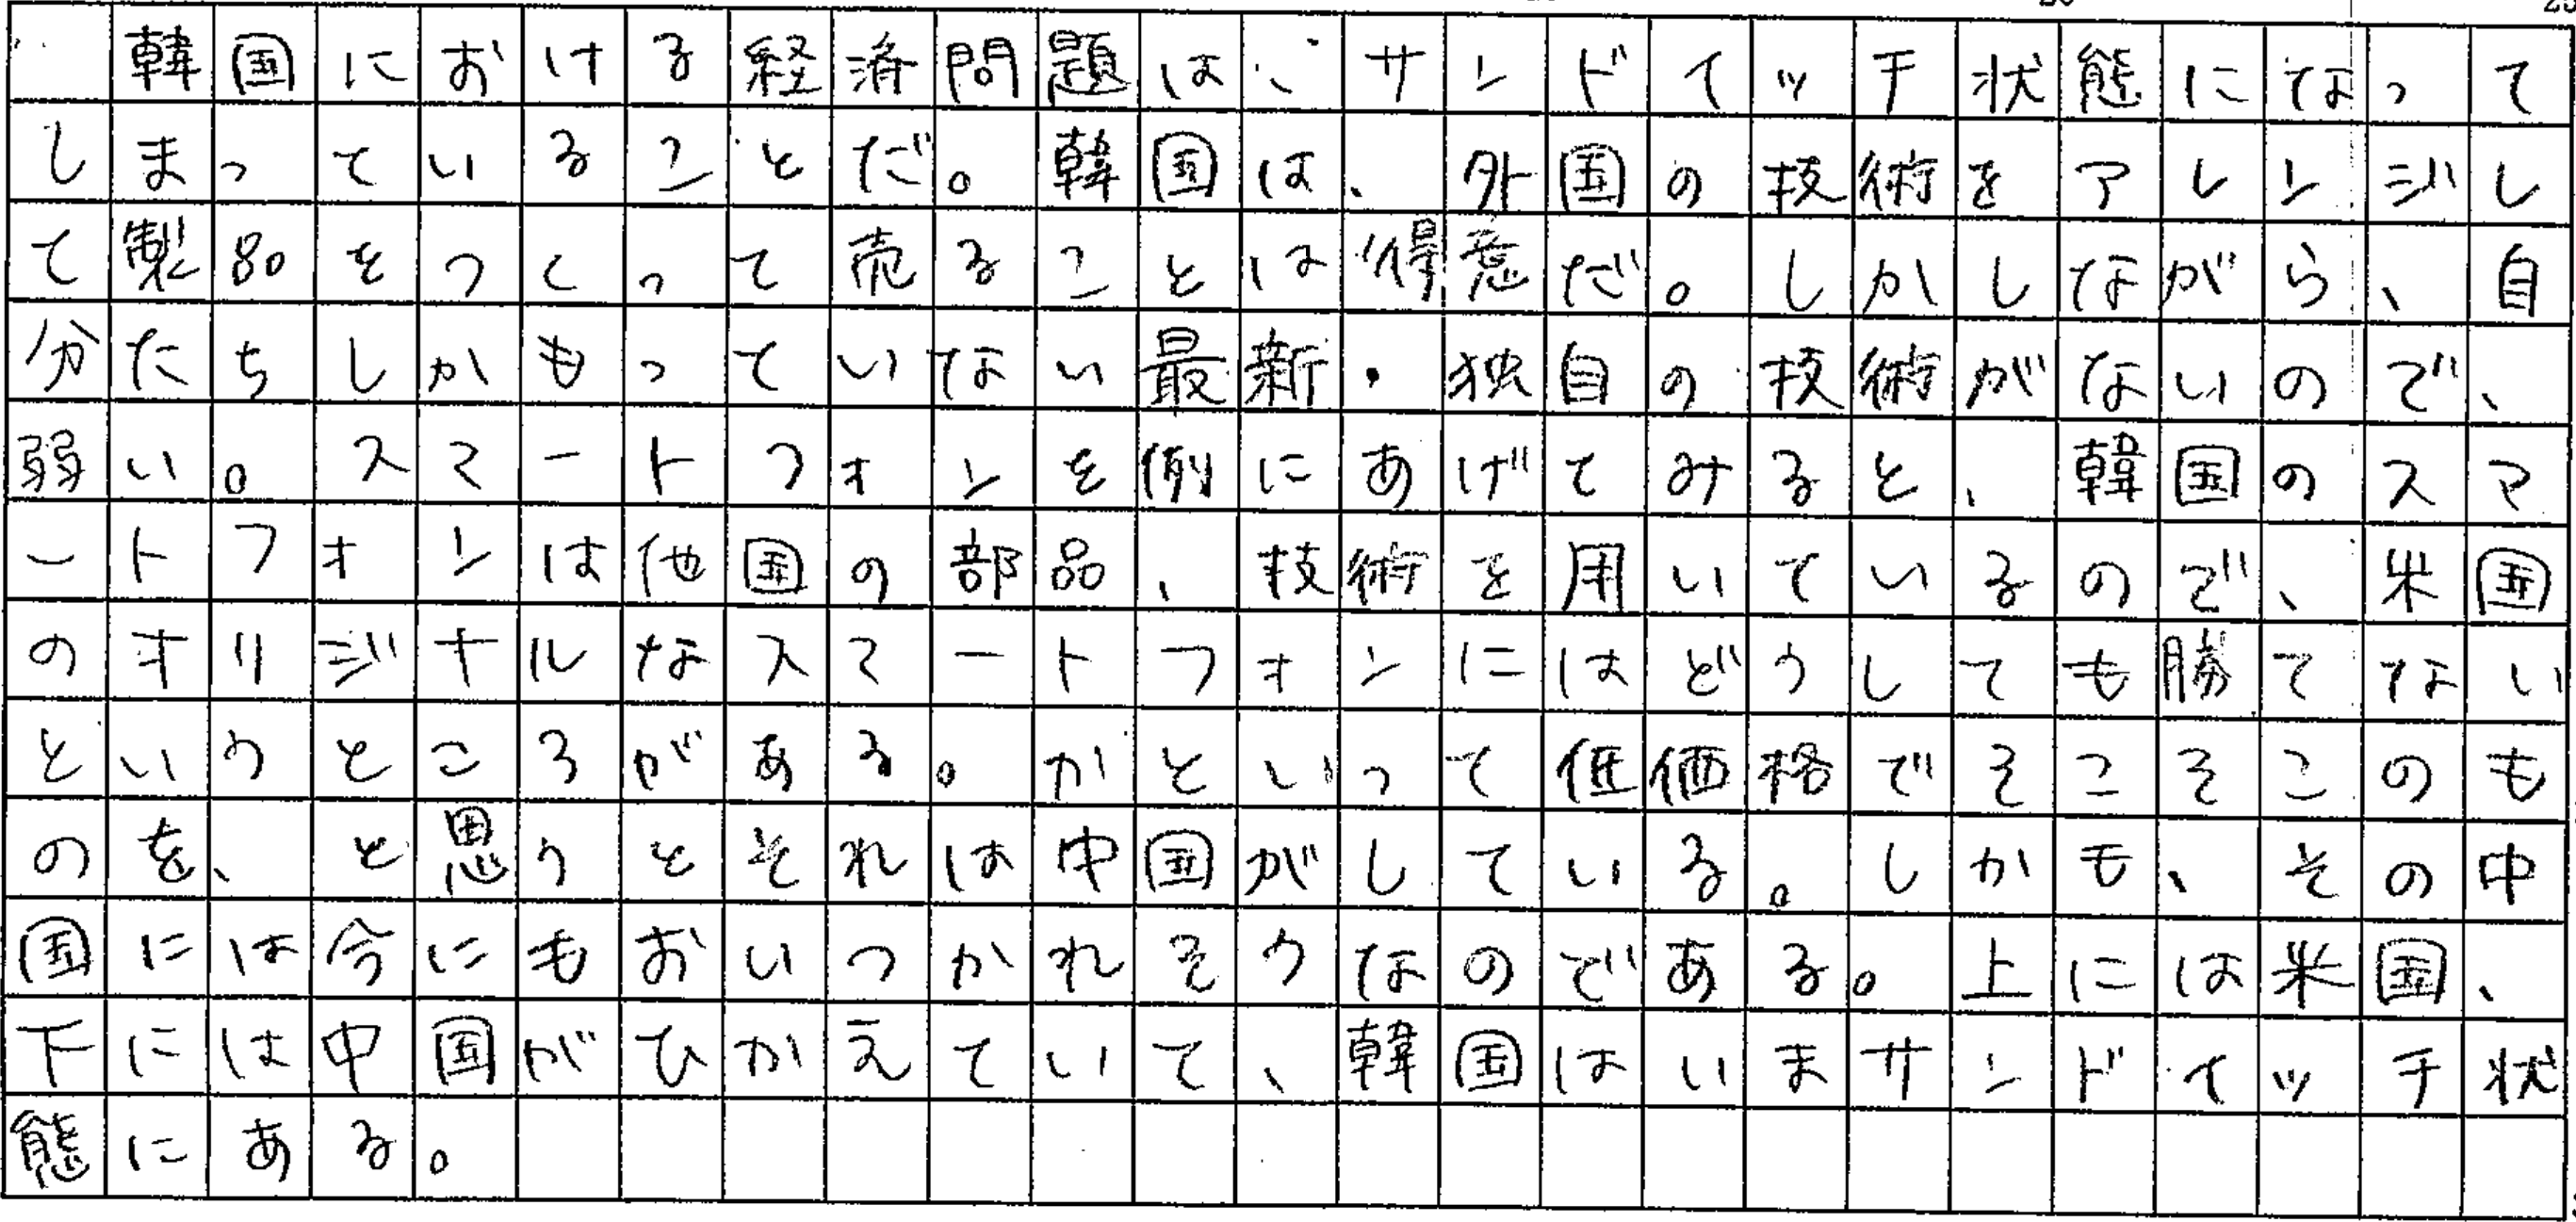　韓国における経済問題は、サンドイッチ状態になってしまっていることだ。韓国は、外国の技術をアレンジして製品をつくって売ることは得意だ。しかしながら、自分たちしかもっていない最新・独自の技術がないので、弱い。スマートフォンを例にあげてみると、韓国のスマートフォンは他国の部品、技術を用いているので、米国のオリジナルなスマートフォンにはどうしても勝てないというところがある。かといって低価格でそこそこのものを、と思うとそれは中国がしている。しかも、その中国には今にもおいつかれそうなのである。上には米国、下には中国がひかえていて、韓国はいまサンドイッチ状態にある。
